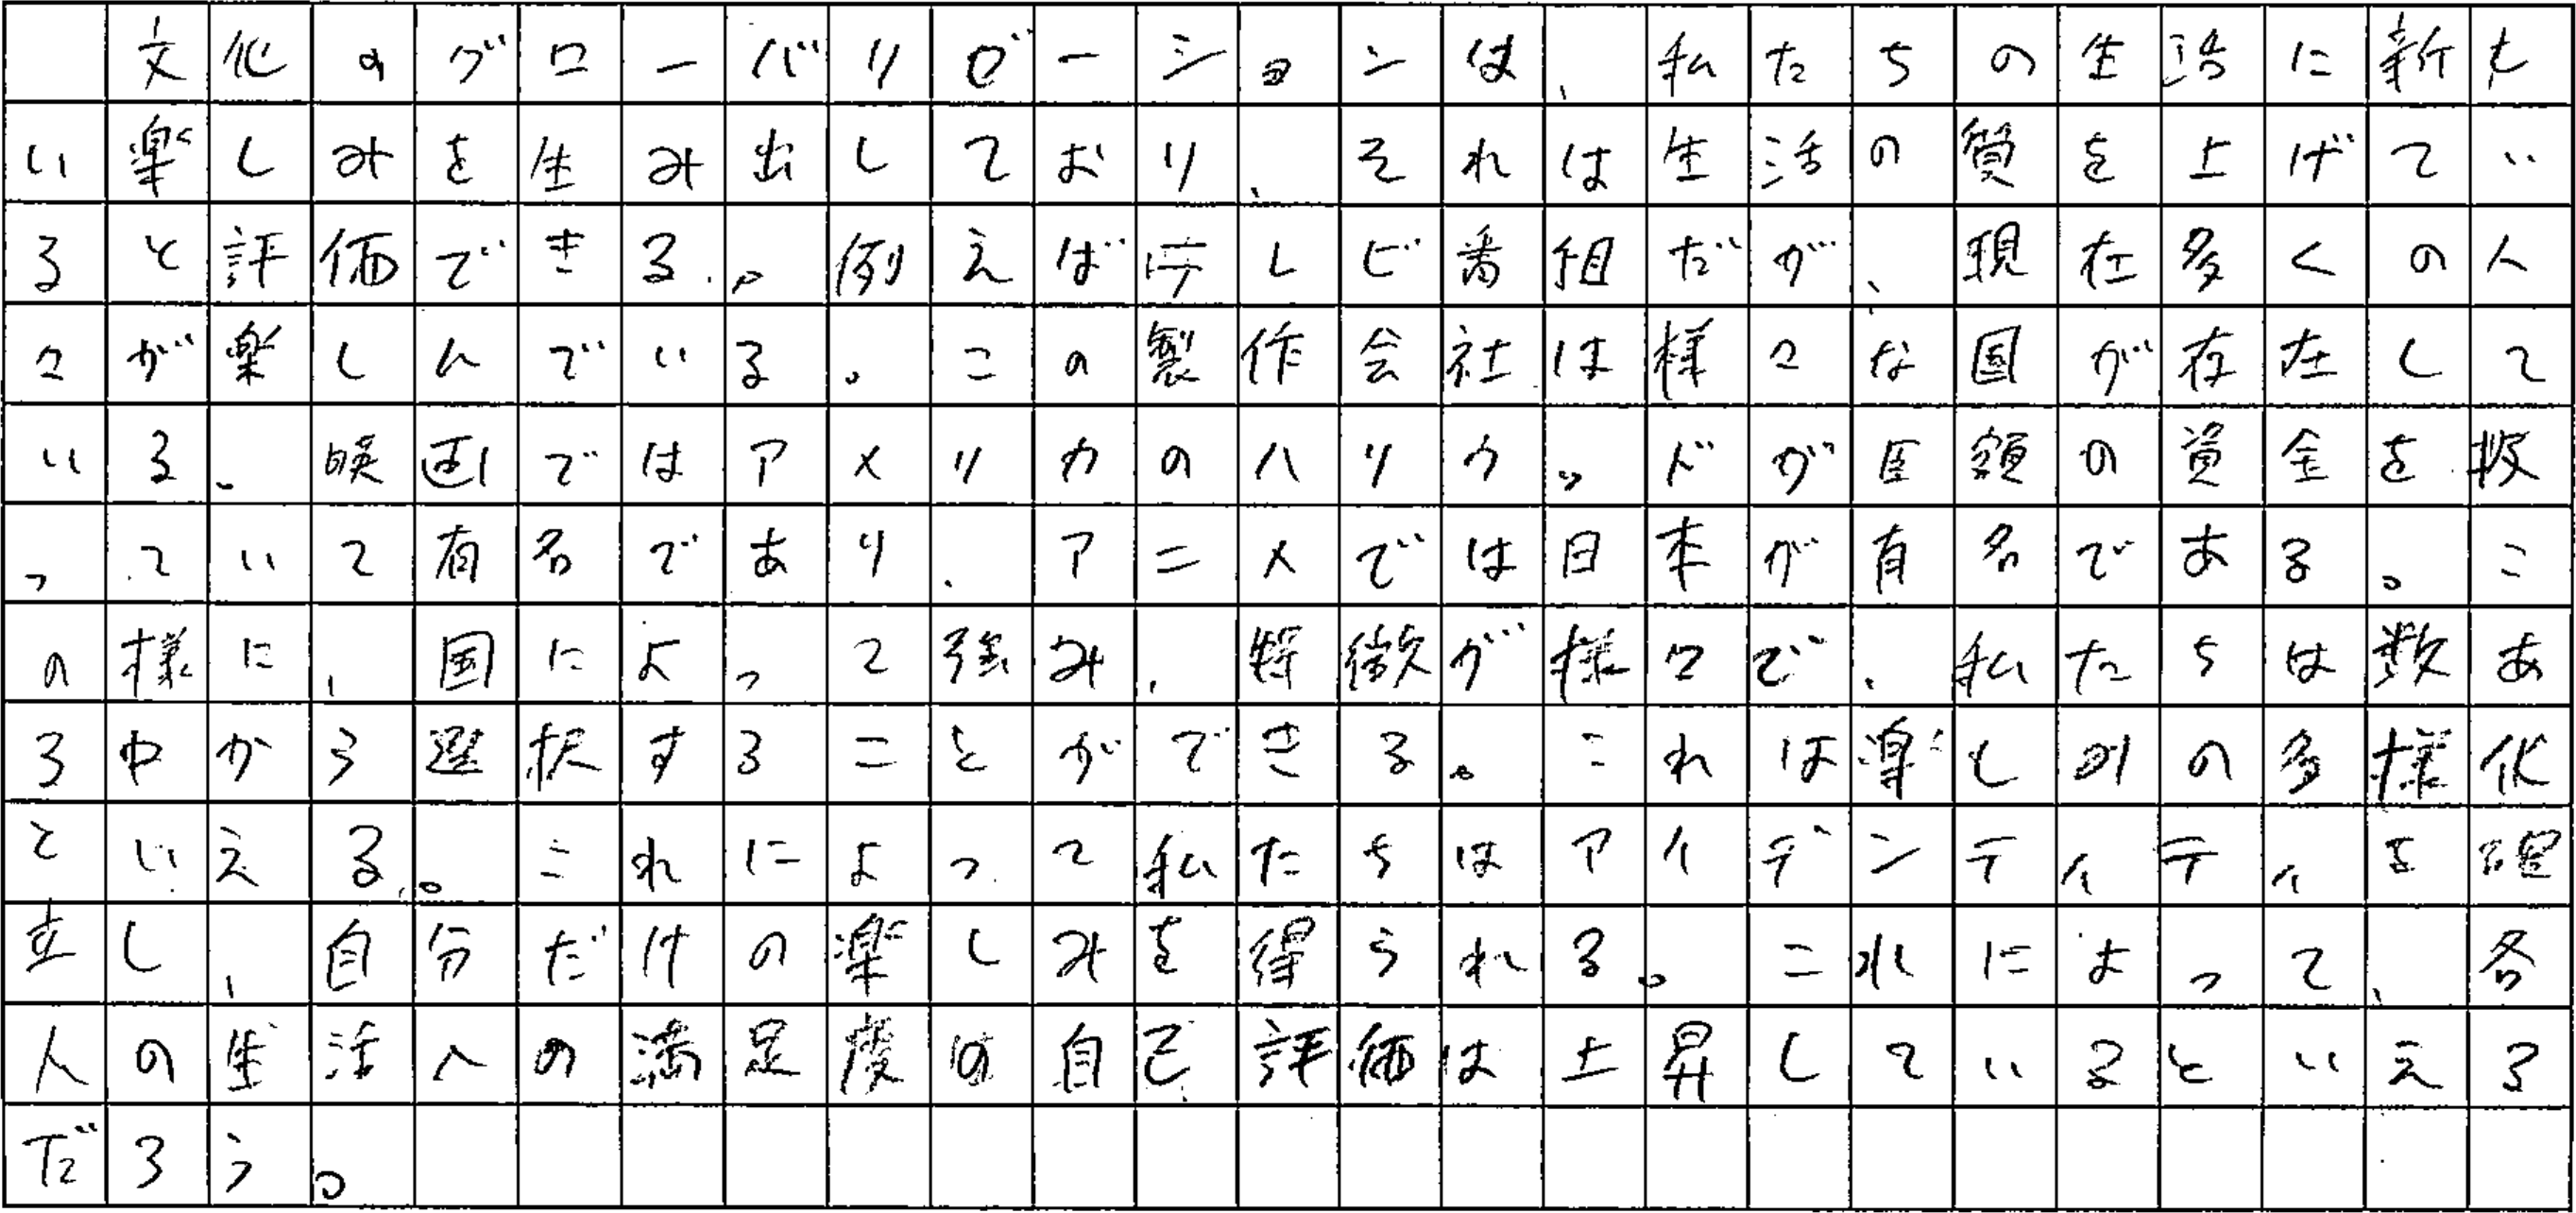　文化のグローバリゼーションは、私たちの生活に新しい楽しみを生み出しており、それは生活の質を上げていると評価できる。例えばテレビ番組だが、現在多くの人々が楽しんでいる。この製作会社は様々な国が存在している。映画ではアメリカのハリウッドが臣額の資金を扱っていて有名であり、アニメでは日本が有名である。この様に、国によって強み、特徴が様々で、私たちは数ある中から選択することができる。これは楽しみの多様化といえる。これによって私たちはアイデンティティを確立し、自分だけの楽しみを得られる。これによって、各人の生活への満足度の自己評価は上昇しているといえるだろう。
